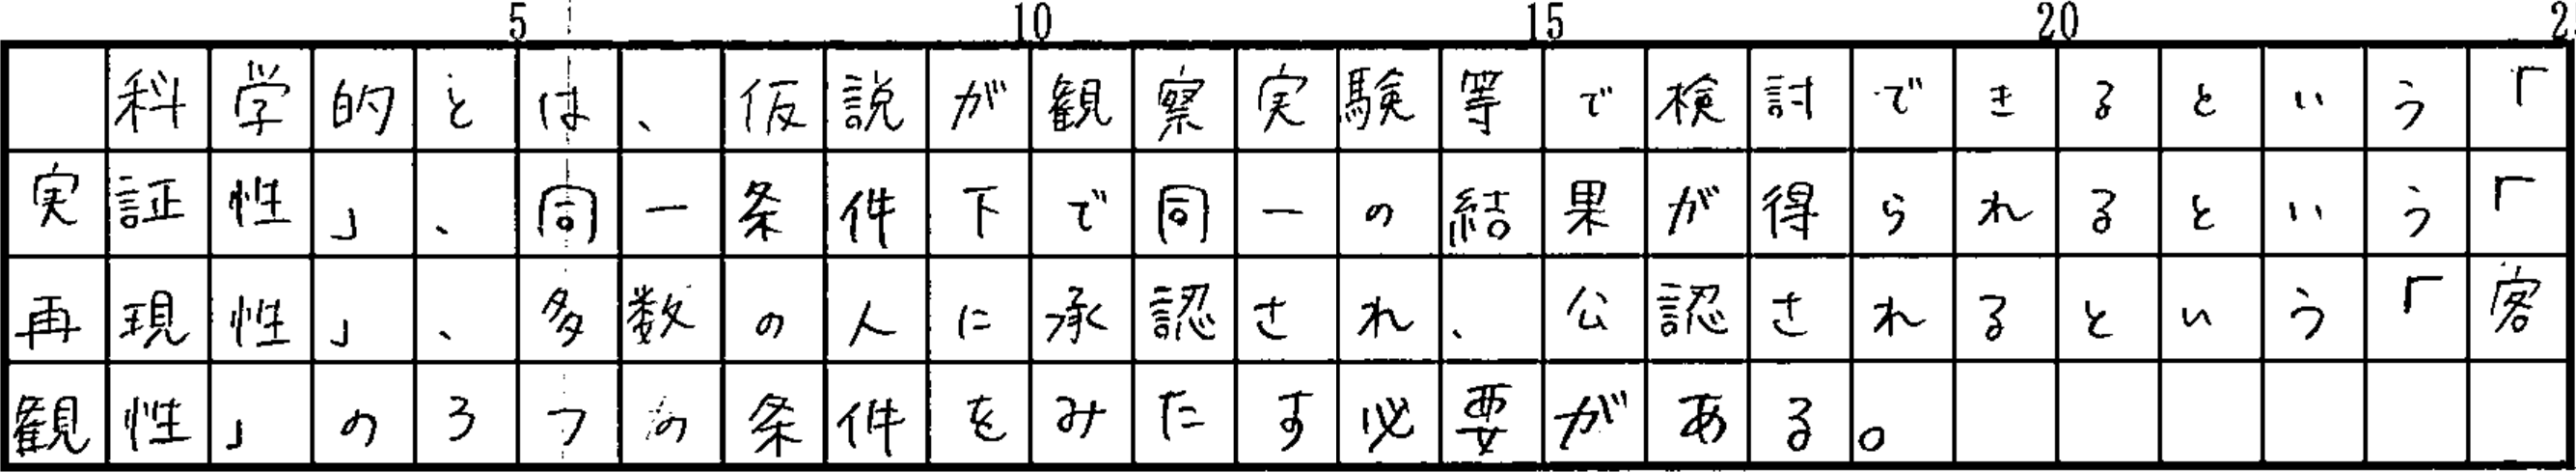　科学的とは、仮説が観察実験等で検討できるという「実証性」、同一条件下で同一の結果が得られるという「再現性」、多数の人に承認され、公認されるという「客観性」の３つの条件をみたす必要がある。
